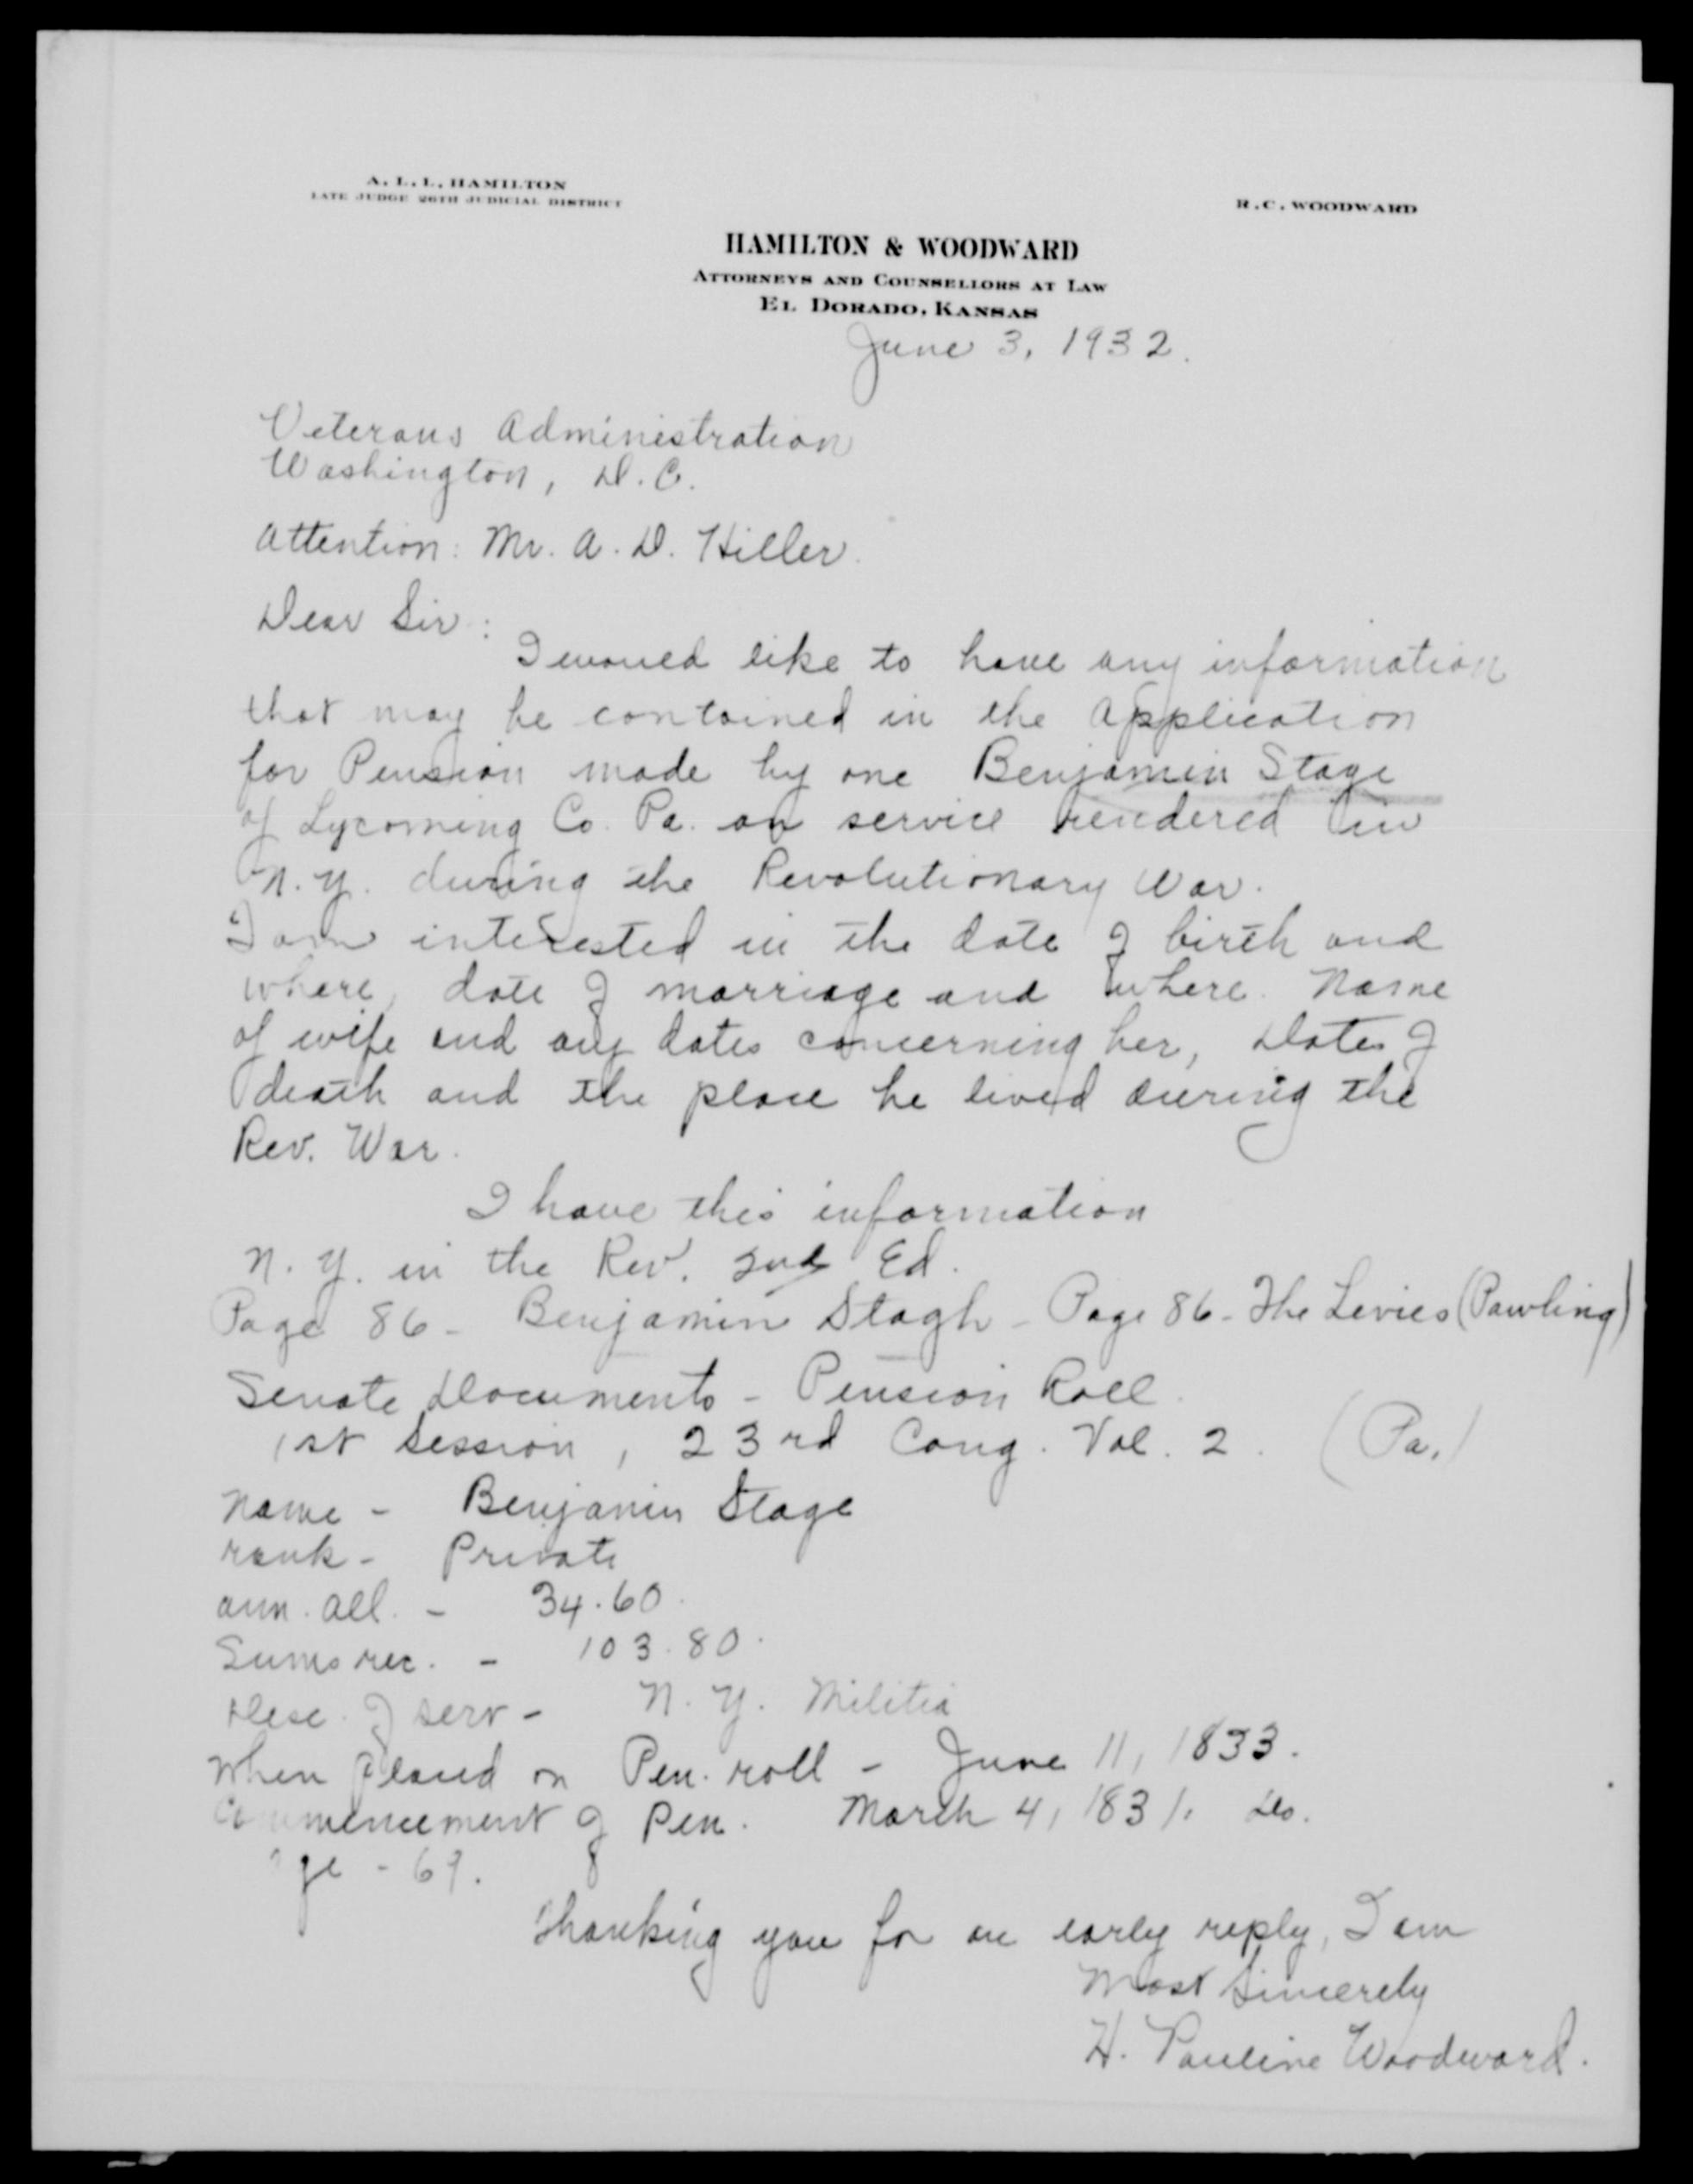A.L.L. Hamilton
Late Judge 26th Judicial District
R. C. Woodward
Hamilton & Woodward
Attorneys and Counsellors at Law
El Dorado, Kansas
June 3, 1932
Veterans Administration
Washington, D. C.
Attention:  Mr. A.D. Hiller
Dear Sir:
I would like to have any information that may be contained in the application for Pension made by one Benjamin Stage of Lycoming Co. Pa on service rendered in N.Y. during the Revolutionary War. I am interested in the date of birth and where, date of marriage and where Name of wife and any dates concerning her, Dates death and the place he lived during the Rev. War.
I have this information
N.Y. in the Rev. 2nd Ed.
Page 86 - Benjamin Stagh Page 86 The Levies (Pawling) 
Senate Documents - Pension Roll
1st Session, 23rd Cong. Vol. 2 (Pa.)
Name - Benjamin Stage
rank - Private
arn. all - 34.60
Sums rec - 103.80
Desc of serv- N.Y. Militia
When placed on Pen roll - June 11, 1833
Commencement of Pen. March 4, 1831 Do age - 69
Thanking you for an early reply. I am
Most Sincerely
H. Pauline Woodward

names: Benjamin Stage; Benjamin Stage; [BLANK] Woodward; [BLANK] Hamilton; H C Woodward; A D Hiller; [BLANK] Pawling; Benjamin Stagh; H Pauline Woodward; A L L Hamilton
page: 22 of 23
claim: survivor's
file: S. 23008, for Benjamin Stage, New York